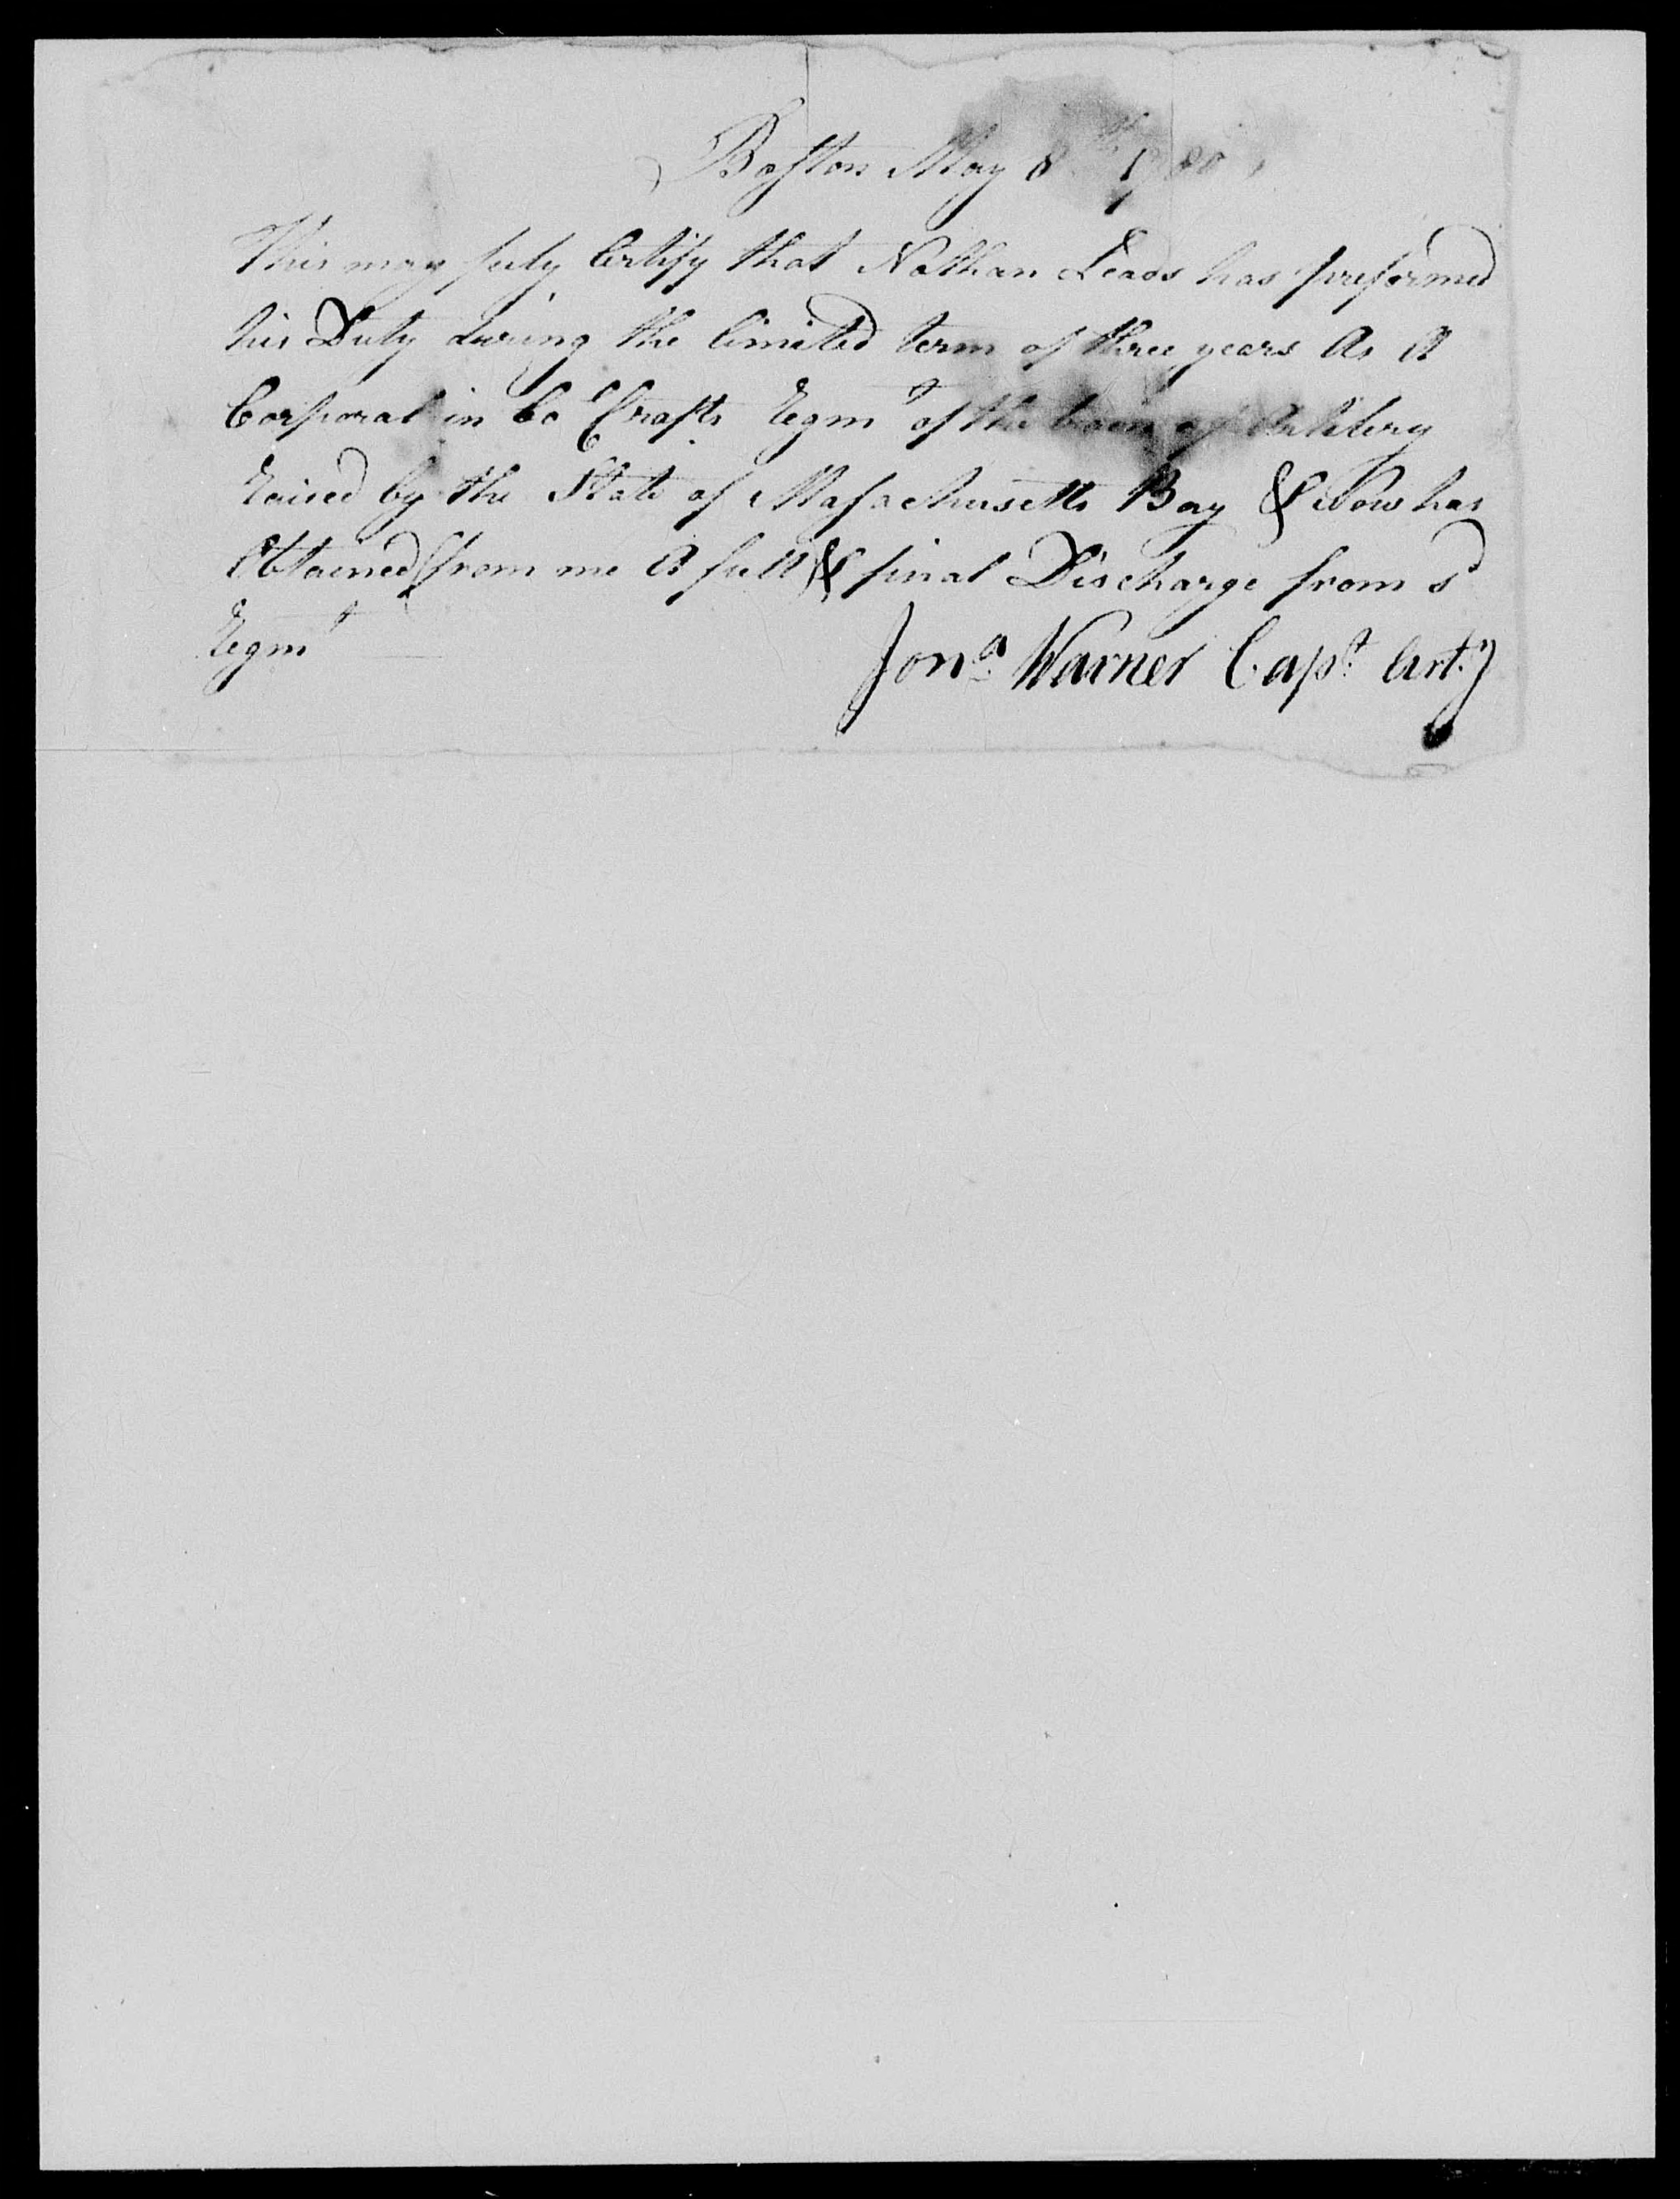Boston, May 8, 1780
This may fully certify that Nathan Leads has performed his duty during the limited term of three years as a
Corporal in Col Crafts Regm of the [illegible] artillery raised by the State of Massachusetts Bay & Now has
obtained from me a full & final Discharge from sd Regmt
Jon'a Warner Capt Art'y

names: Jona Warner; Nathan Leads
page: 18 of 33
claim: widow's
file: W. 21,567, for Nathan Leeds, Massachusetts